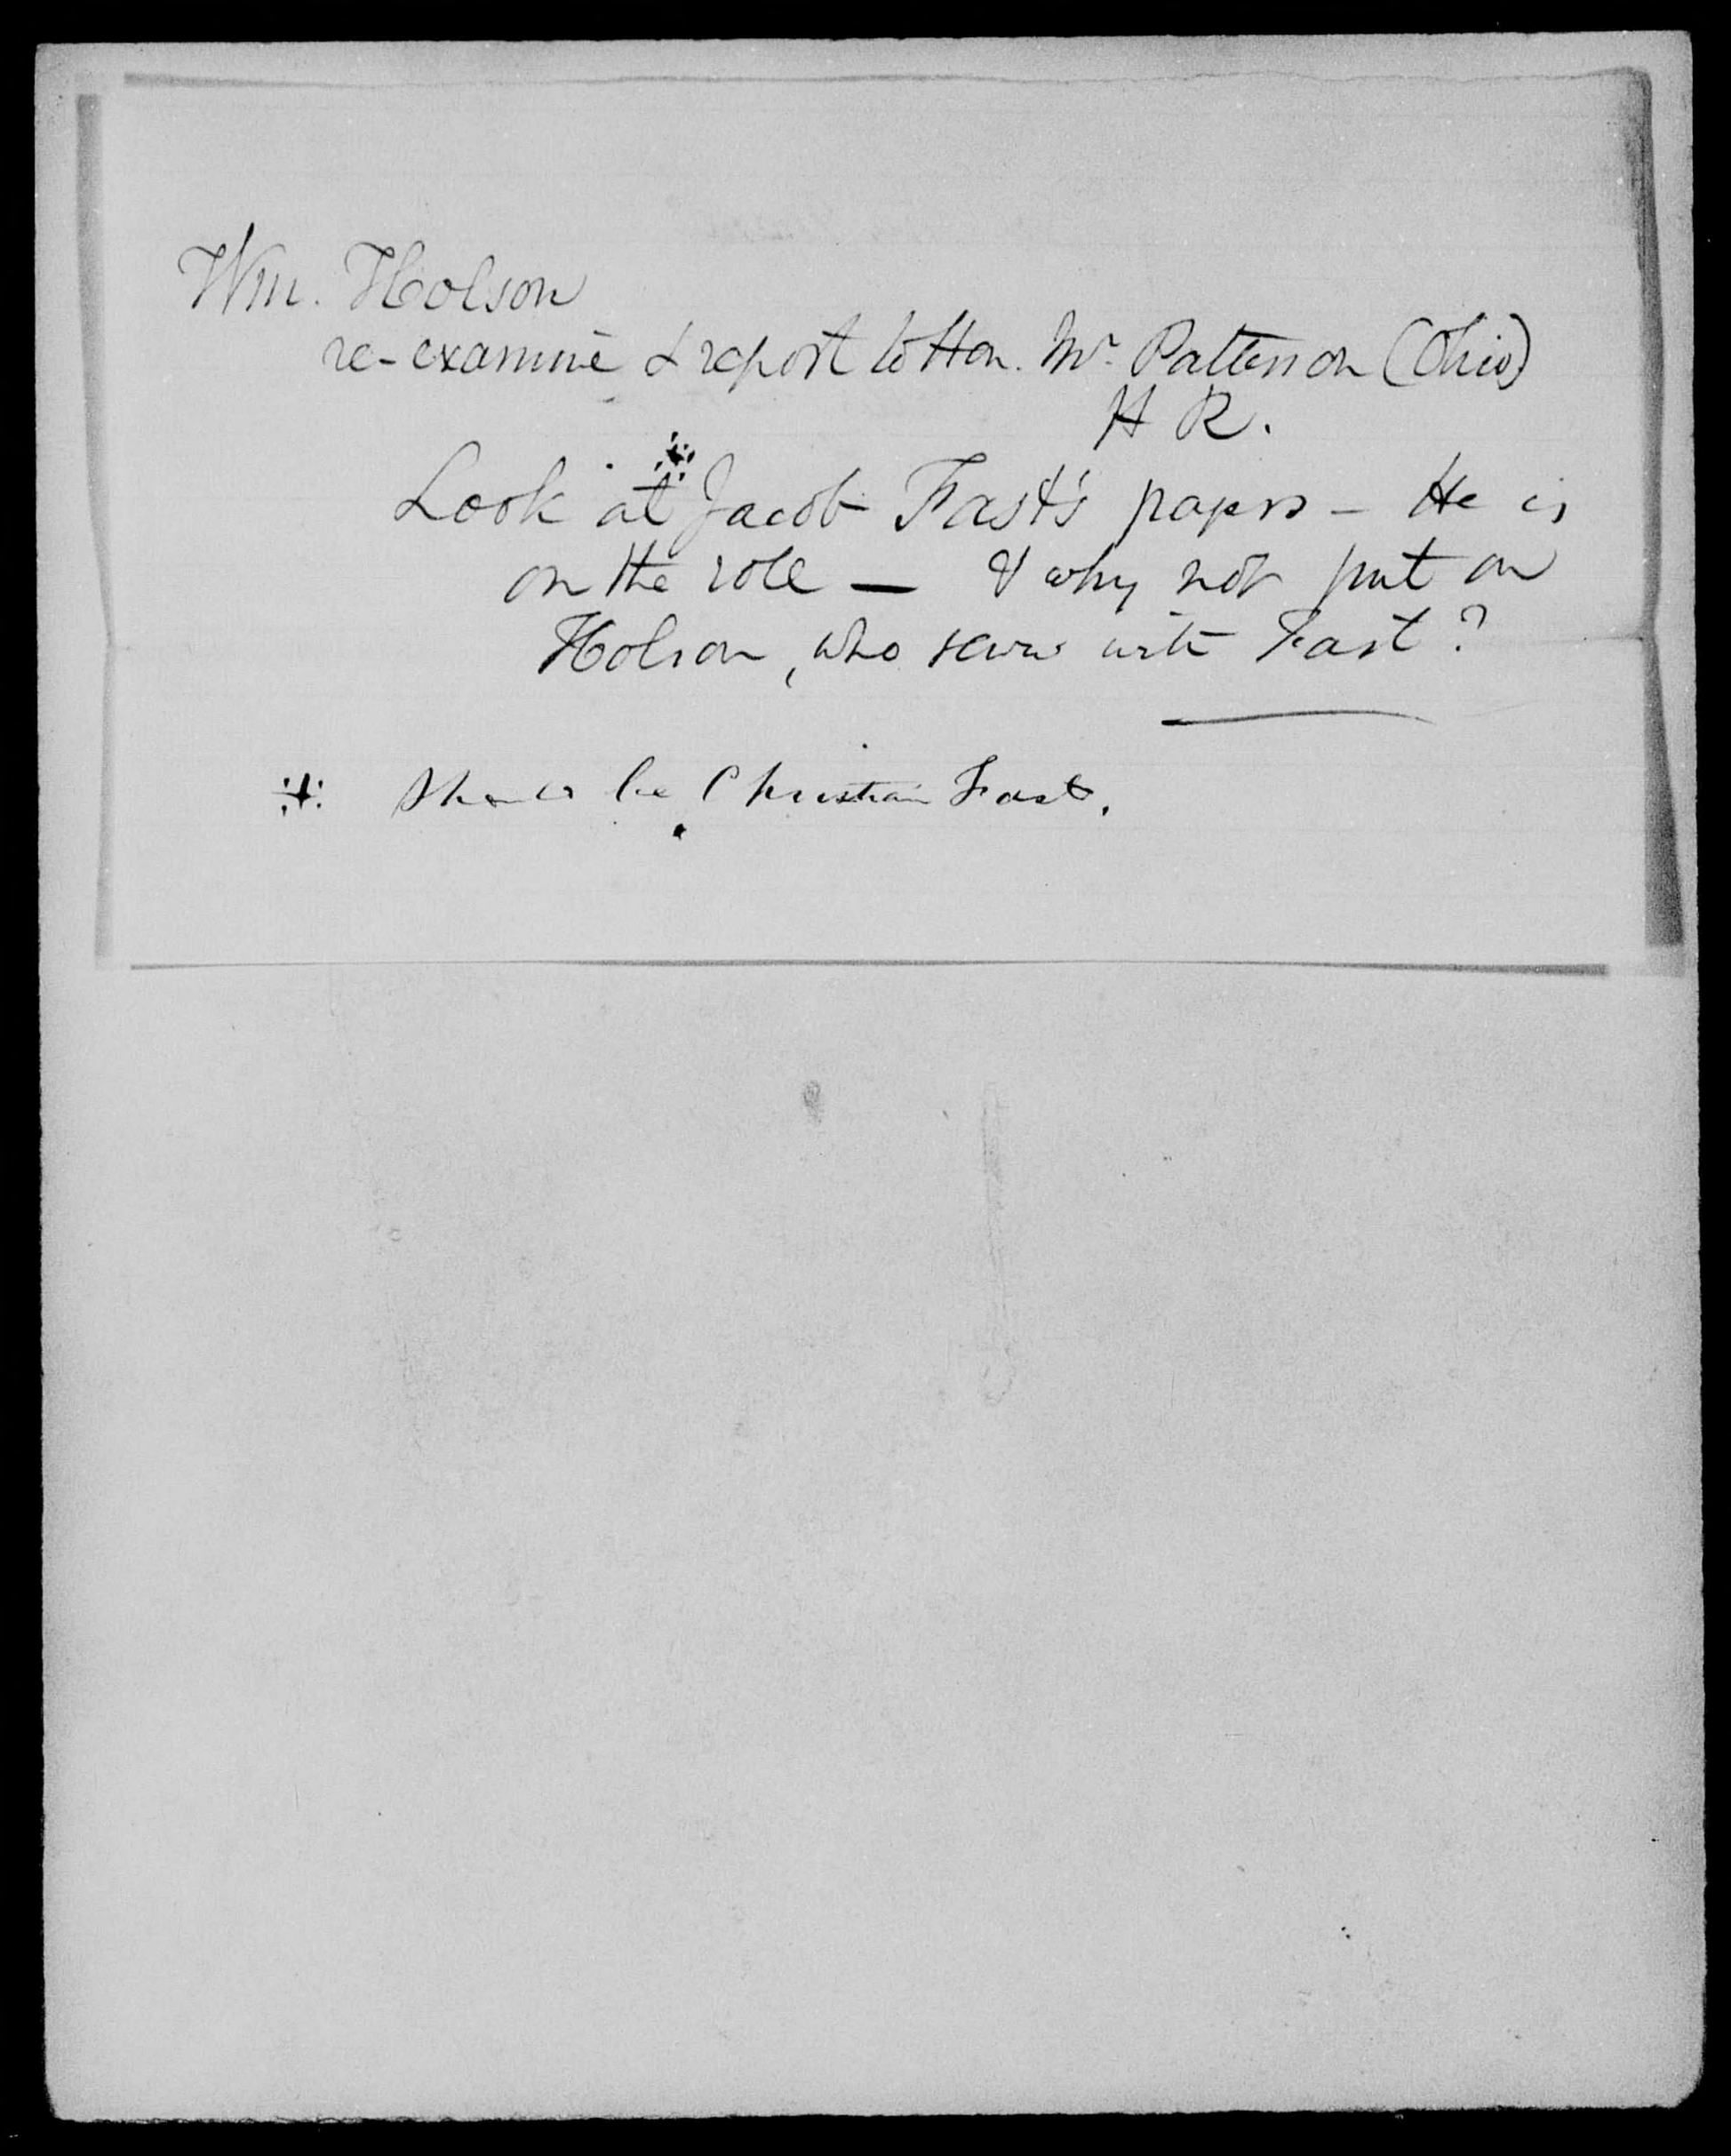Wm. Holson
re-examine report to Hon. Mr. Patterson (Ohio) 
Look at Jacob Fast's papers - He is on the roll-+ why not put on Holson, who [illegible] with Fast? 
Should be Christian Fast.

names: Holson, Wm Holson, Fast, Christian Fast, Jacob Fast, Patterson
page: 25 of 33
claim: survivor's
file: S. 9587, William Holson, Va.